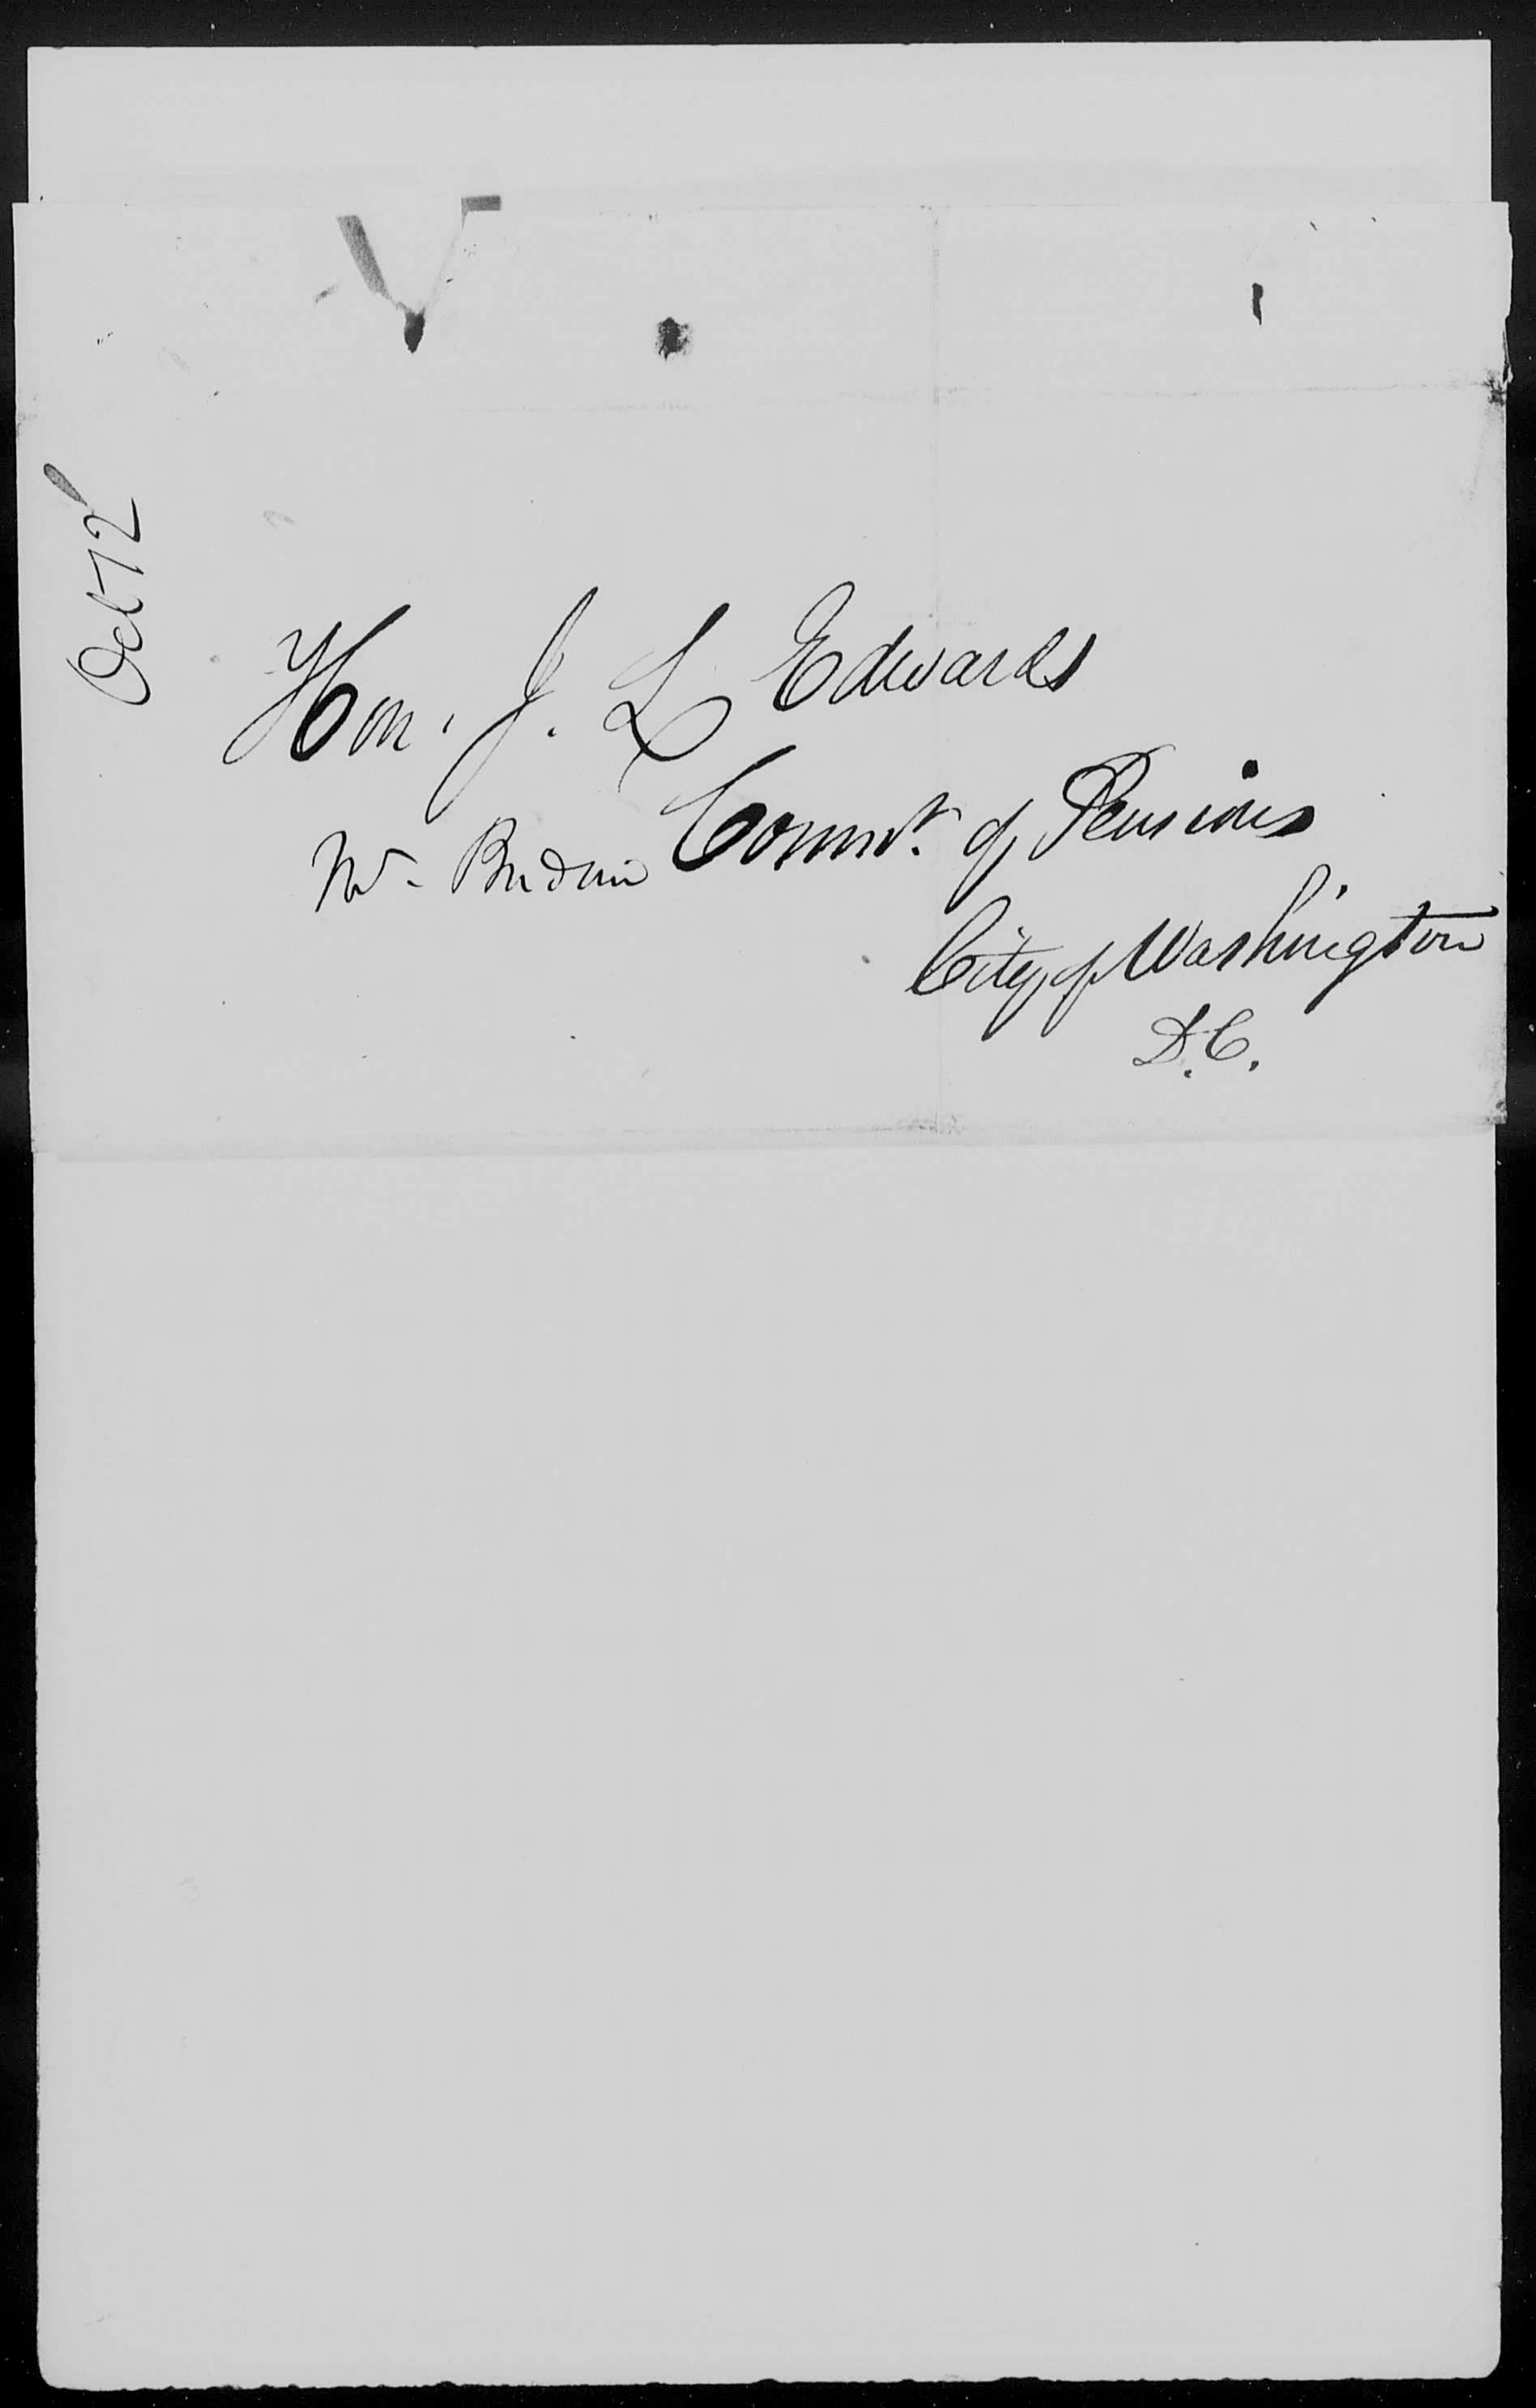Oct 12
Hon. J. L. Edwards
W. Budin Comm of Pensions
City of Washington 
D.C.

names: J L Edwards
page: 16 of 21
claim: survivor's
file: S. 23,128, David Blake, Conn.